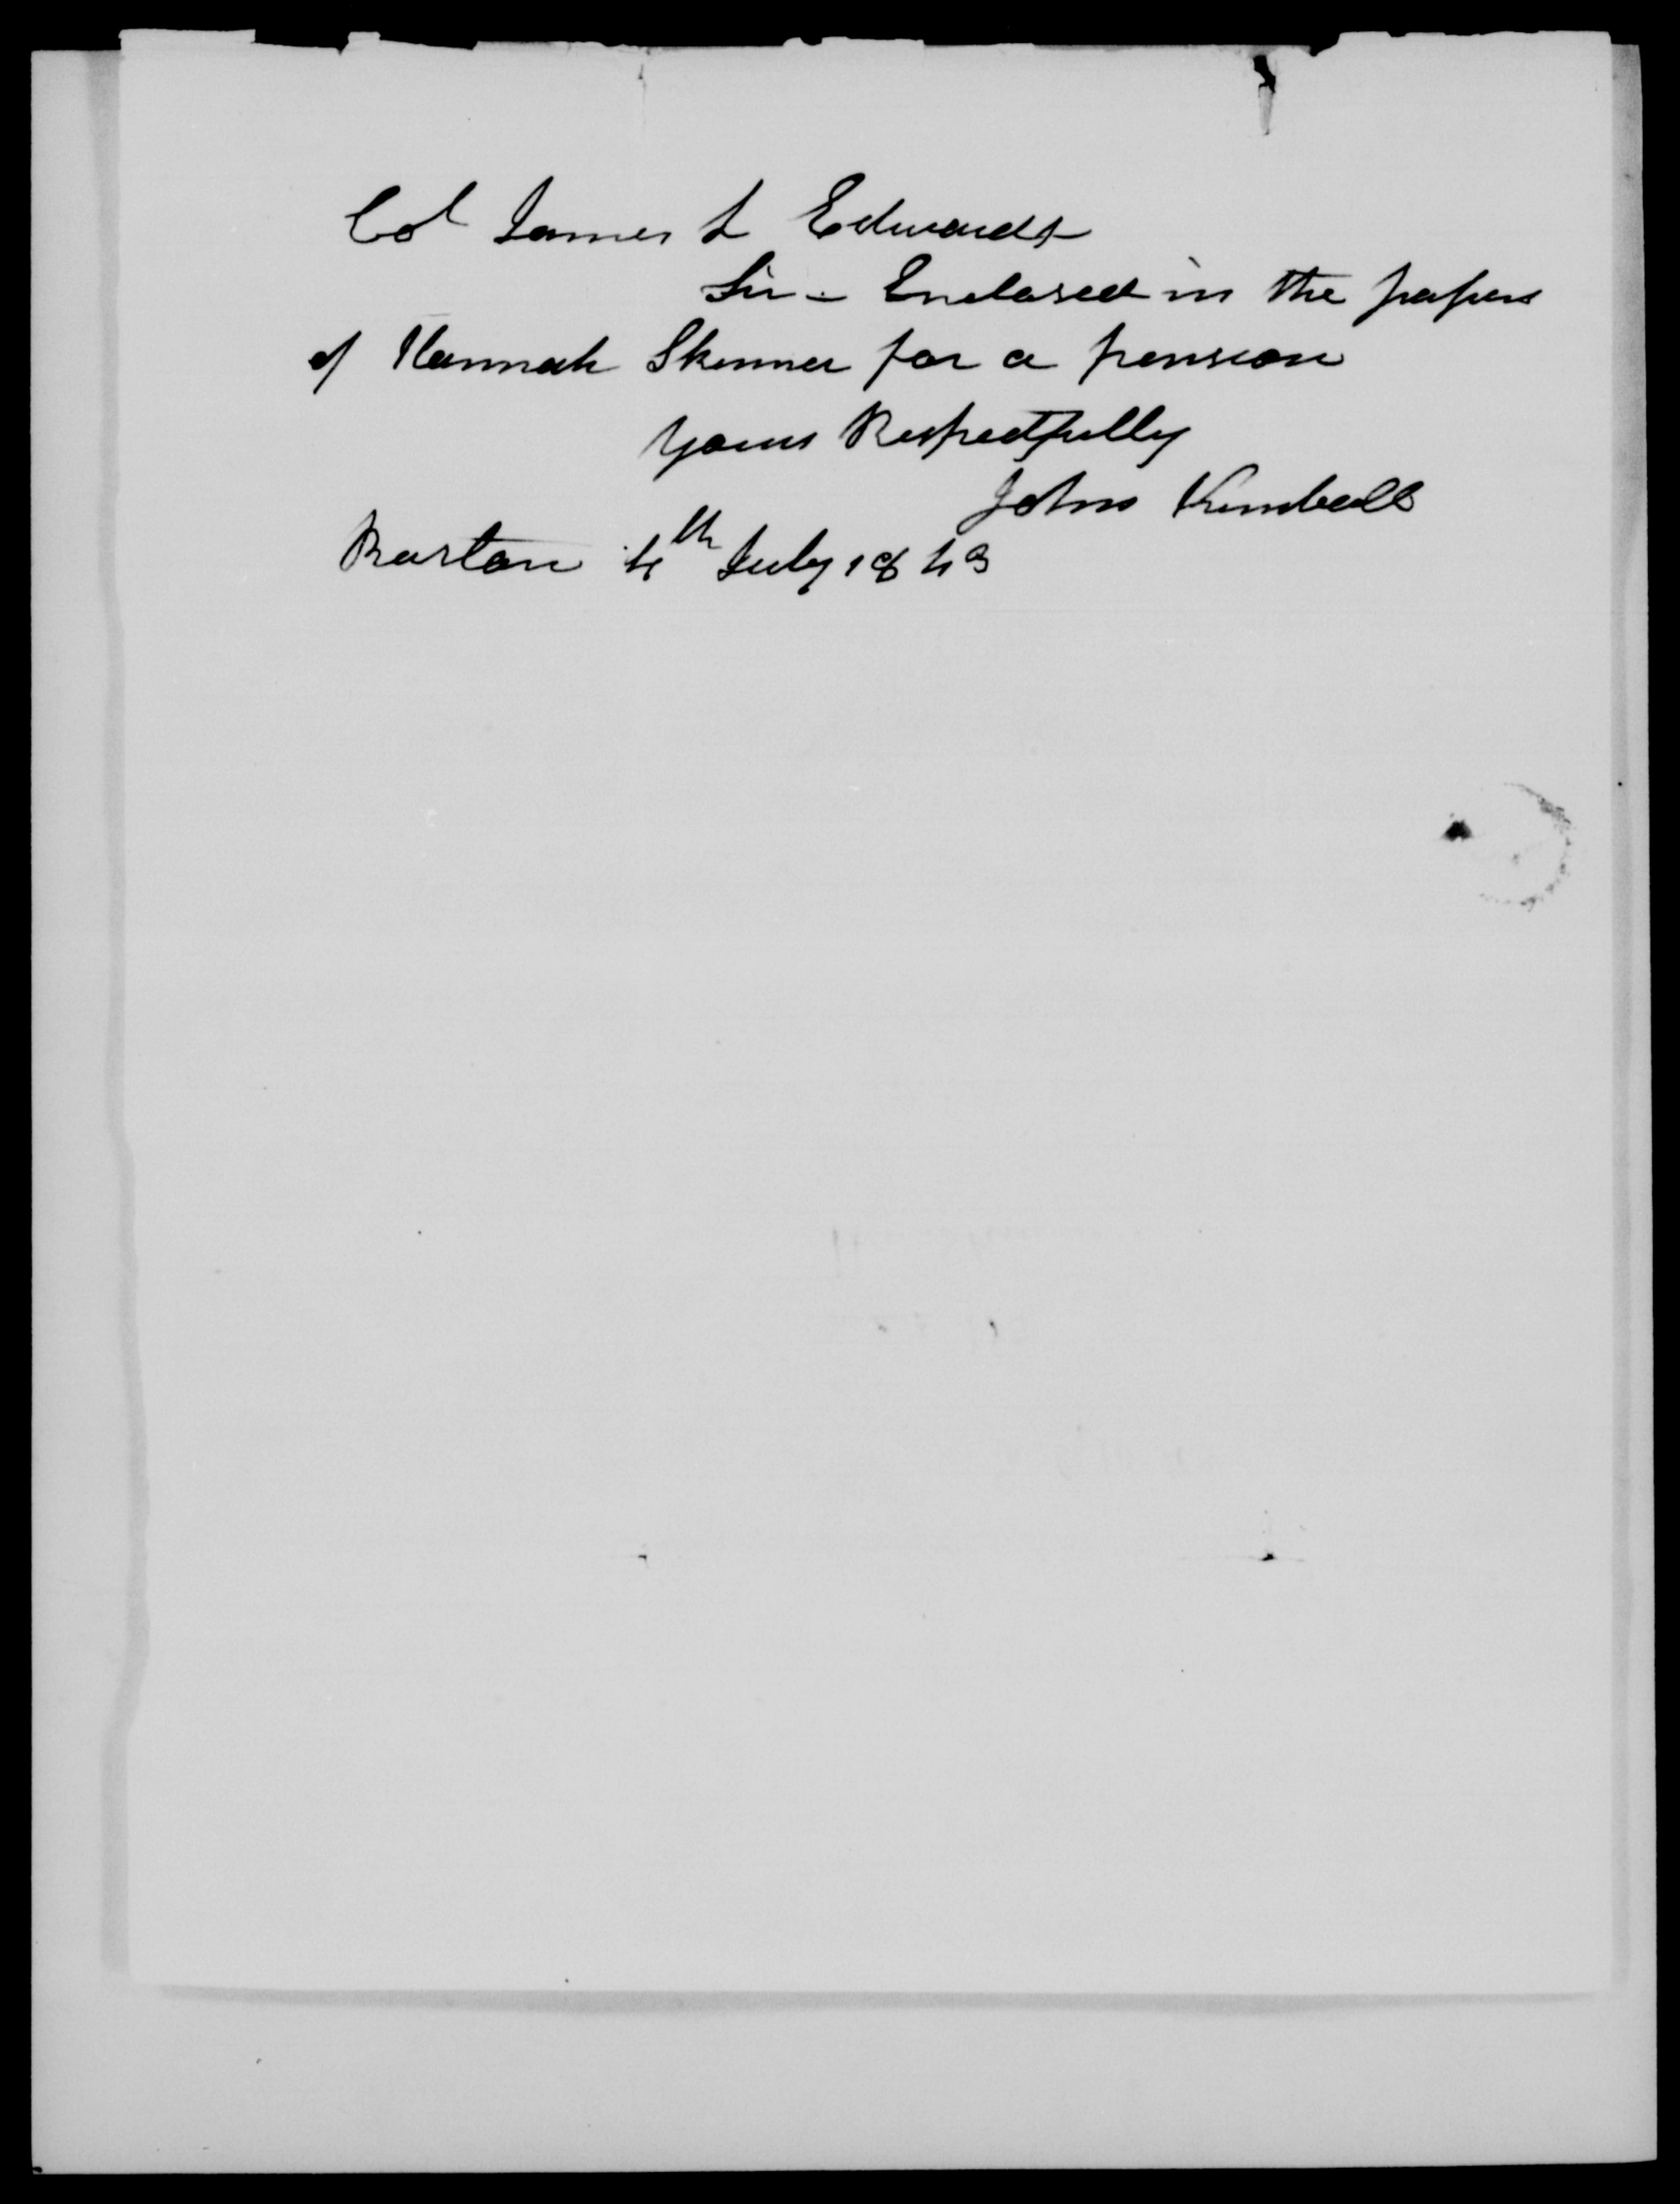Co. James L. Edwards

Sir--Enclosed in the papers 
of Hannah Skinner for a pension
Yours Respectfully
John Kimball
Barton 4th July 1843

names: John Kimball; Hannah Skinner; James L Edwards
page: 27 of 46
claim: widow's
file: W. 24976, for Daniel Skinner, New Hampshire